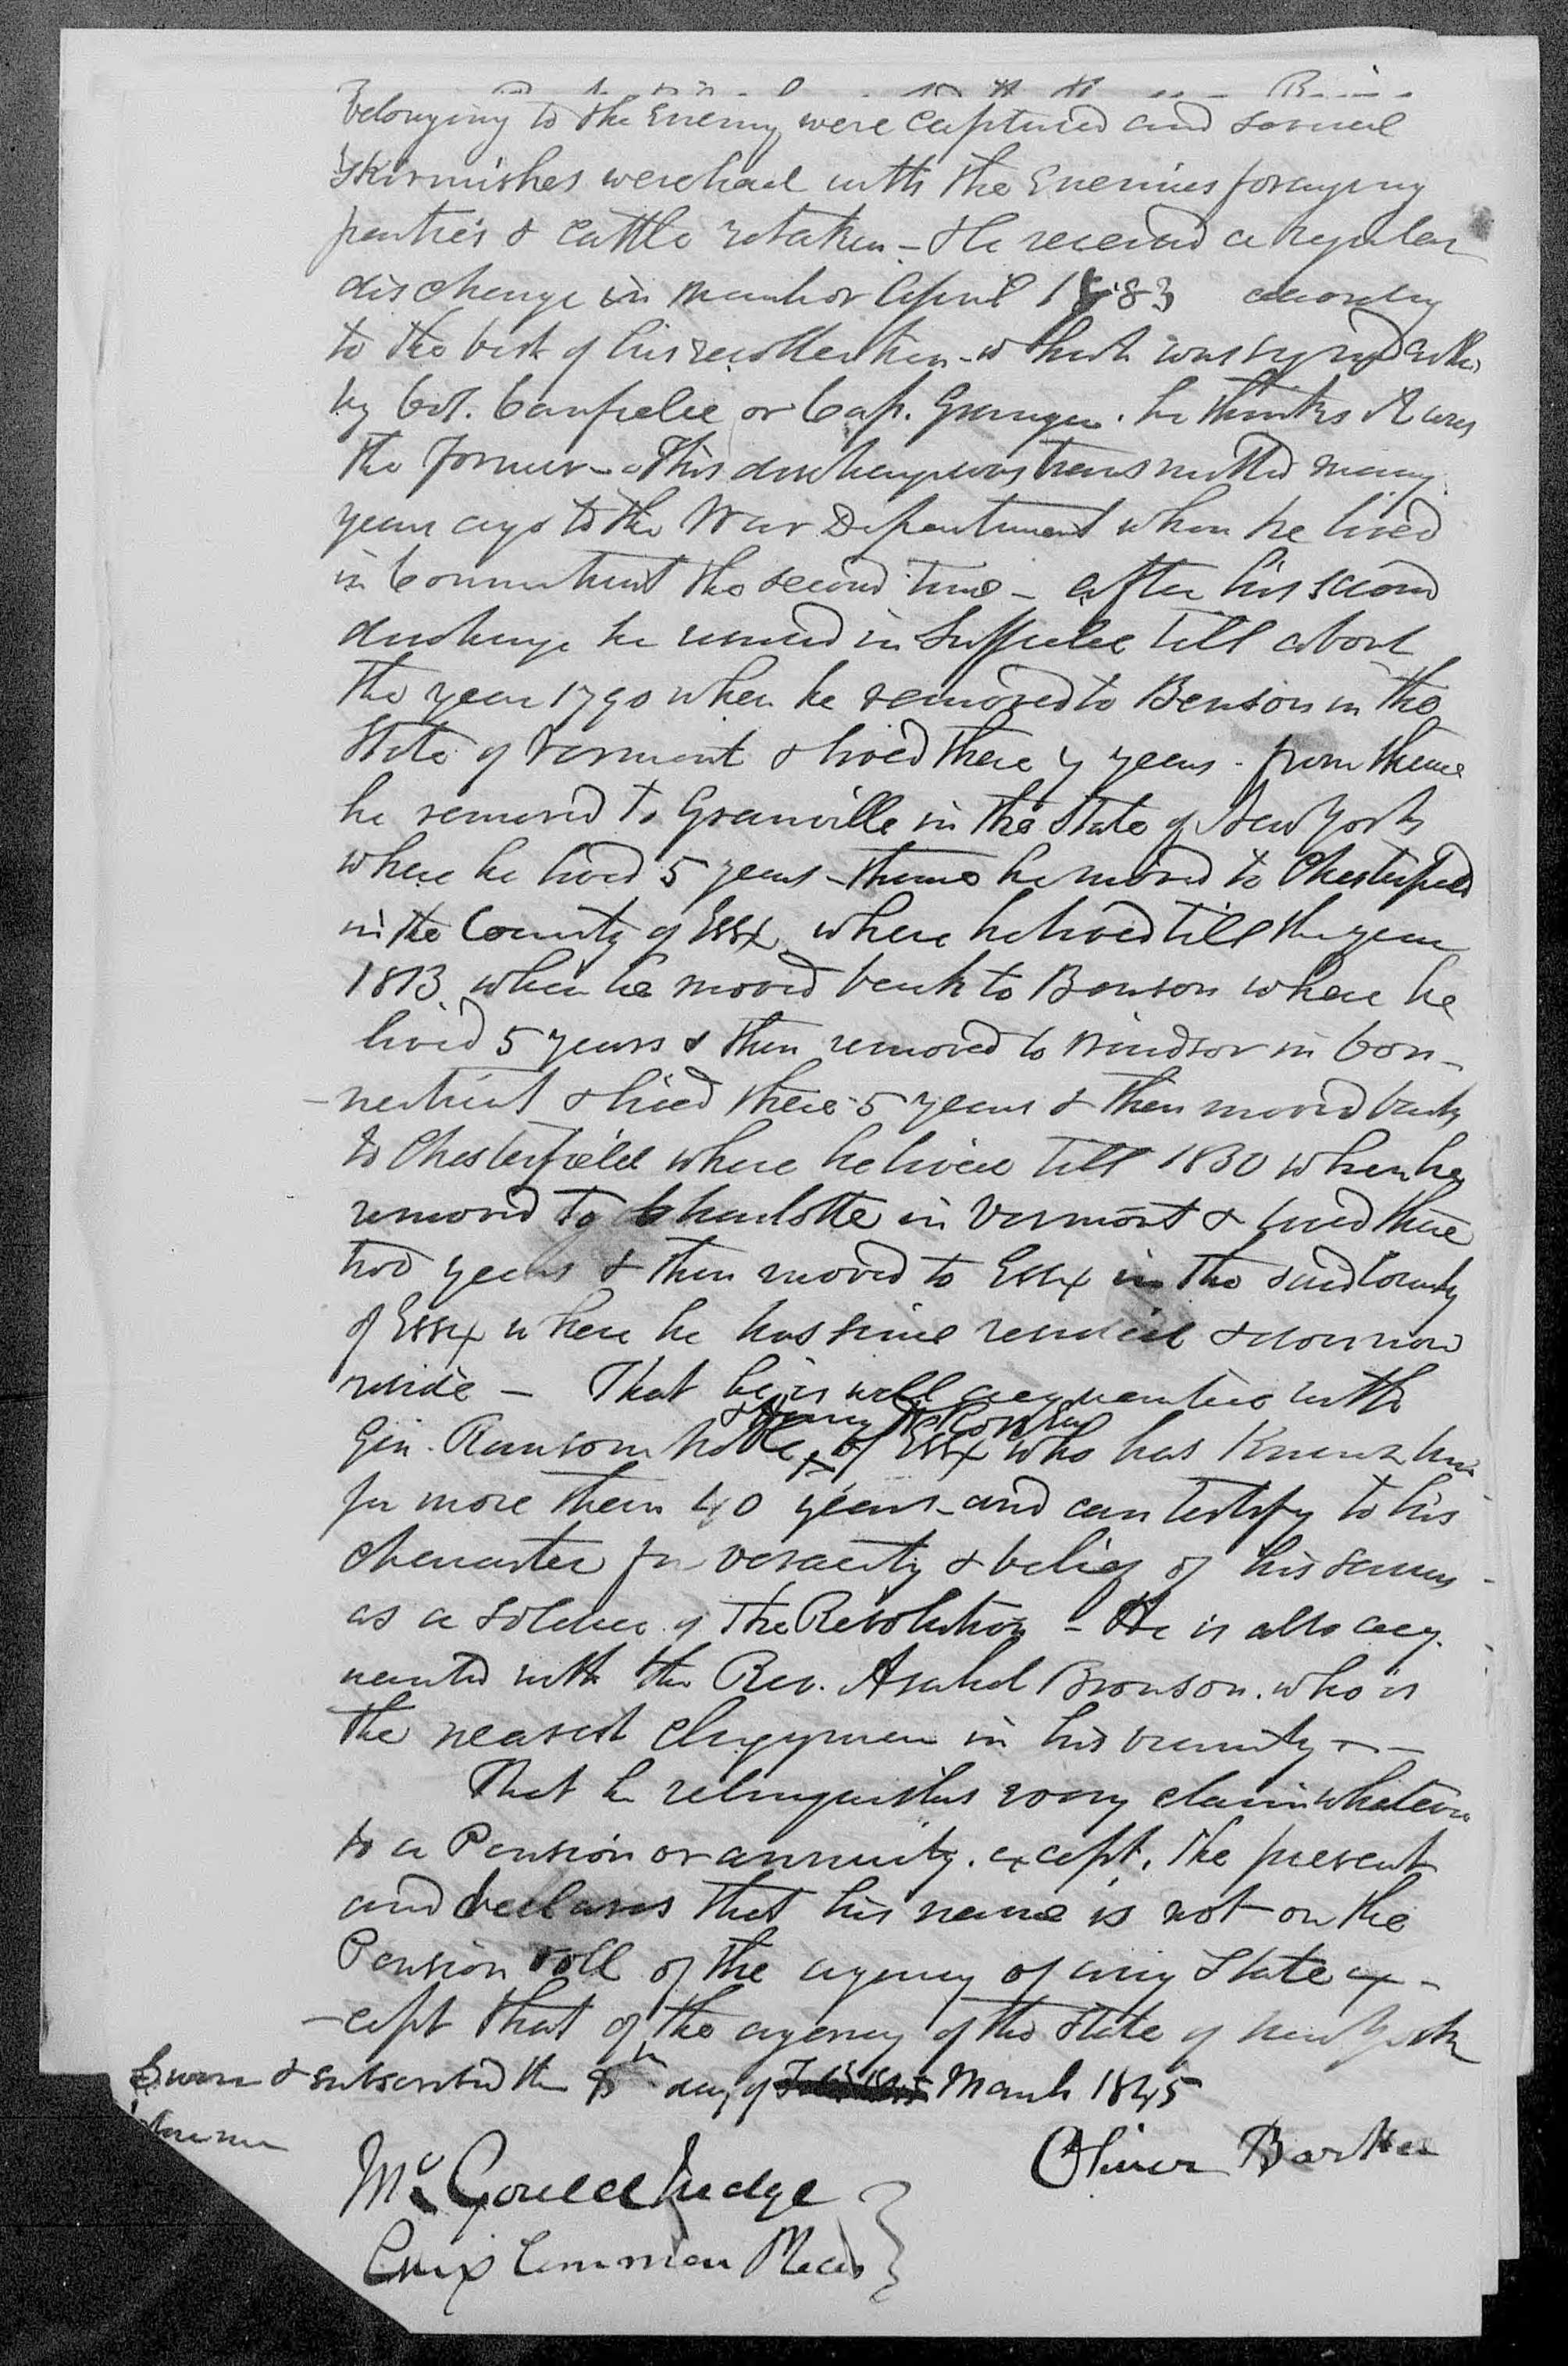belonging to the enemy were captured and several skirmishes were had with the enemies foraging parties & cattle retaken - he received a regular discharge in March or April 1883 according to the best of his recollection which was issued  by Col. Canfield or Cap. Granger, he thinks it was the former - This discharge was transmitted many years ago to the War Department when he lived in Connecticut the second time, after his second discharge he resided in Suffield till about the year 1790 when he removed to Benton in the State of Vermont & lived there 7 years from thence he removed to Granville in the State of New York where he lived 5 years then he moved to Chesterfeld in the County of Essex where he lived till the year 1813 when he moved back to Boston where he lived 5 years & then removed to Windsor in Connecticut & lived there 5 years & then moved by to Chesterfield where he lived till 1830 when he removed to Charlotte in Vermont & lived there two years & then moved to Essex in the said County of Essex where he has since resided & does now reside- That he is well acquainted with Gen Ransom & Henry H Ross of Essex who has known him for more than 40 years and can testify to his character for veracity & belief of his service as a soldier of the Revolution - He is also acquainted with the Rev. Asahel Bronson, who is the nearest clergyman in his county – 
That he relinquishes every claim whatever to a pension or annuity, except the present and declares that his name is not on the Pension roll of the agency of any State of except that of the agency of the State of New York 
Sworn & subscribed the 8th day of March 1845 
Jno Gould Judge Court Common Pleas
Oliver Barker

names: Asahel Browson, Granger, Ransom Noble, Jno Gould, Oliver Barker, Henry H Ross, Canfield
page: 9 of 51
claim: widow's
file: W. 1698, Oliver Barker, Conn.